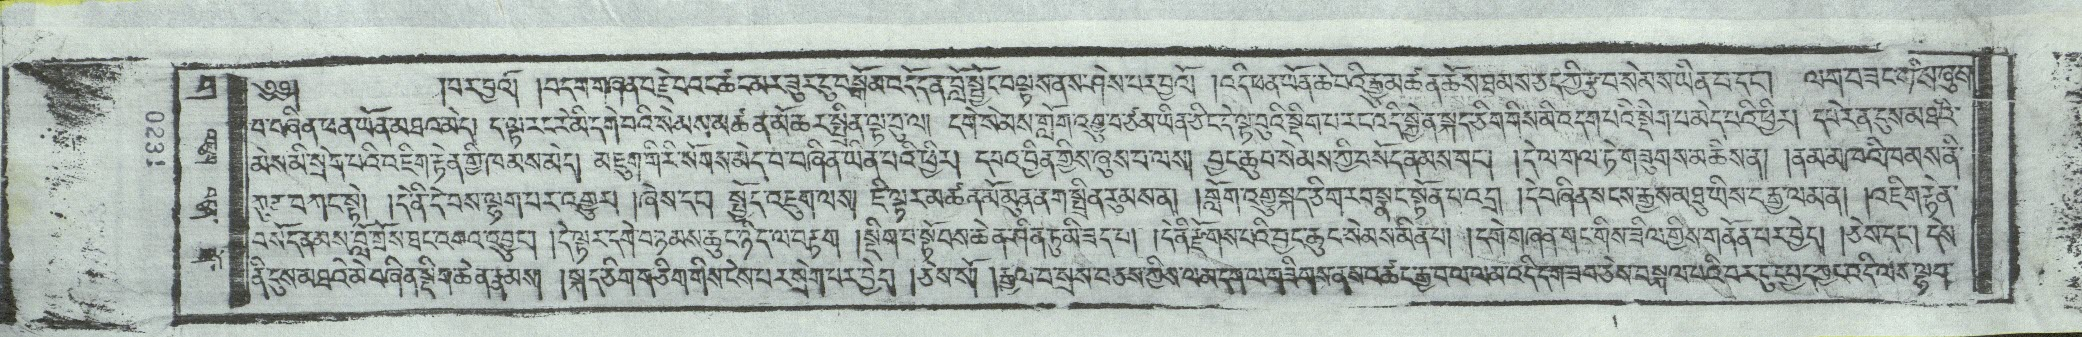༄༅། །པར་བྱའོ། །བདག་གཞན་བརྗེ་བའང་ཚང་མར་ཟུར་དུ་བསྒོམ་འདོད་ན་བློ་སྦྱོང་བལྟས་ནས་ཤེས་པར་བྱའོ། །འདི་ཕན་ཡོན་ཆེ་བའི་རྒྱུ་མཚན་ཆོས་ཐམས་ཅད་ཀྱི་རྩ་བ་སེམས་ཡིན་པ་དང་། ལག་བཟང་གིས་ཞུས་
པ་བཞིན་ཕན་ཡོན་མཐའ་མེད། ད་ལྟ་རང་རེ་མི་དགེ་བའི་སེམས་མཚན་མོ་ཆར་སྤྲིན་ལྟ་བུ་ལ། དགེ་སེམས་གློག་འགྱུ་བ་ཙམ་ཡིན་ཅིང་དེ་ལྟ་བུའི་སྡིག་པ་རང་འདི་སྐྱེ་ན་སྐད་ཅིག་གིས་མི་བདག་པའི་སྡིག་པ་མེད་པའི་ཕྱིར། དཔེར་ན་དུས་མཐའི་
མེས་མི་སྲེག་པའི་འཇིག་རྟེན་གྱི་ཁམས་མེད། མཇུག་གི་རི་སོགས་མེད་པ་བཞིན་ཡིན་པའི་ཕྱིར། དཔའ་བྱིན་གྱིས་ཞུས་པ་ལས། བྱང་ཆུབ་སེམས་ཀྱི་བསོད་ནམས་གང་། །དེ་ལ་གལ་ཏེ་གཟུགས་མཆིས་ན། །ནམ་མཁའི་ཁམས་ནི་
ཀུན་བཀང་སྟེ། །དེ་ནི་དེ་བས་ལྷག་པར་འགྱུར། །ཞེས་དང་། སྤྱོད་འཇུག་ལས། ཇི་ལྟར་མཚན་མོ་མུན་ནག་སྤྲིན་རུམས་ན། །གློག་འགྱུ་སྐད་ཅིག་རབ་སྣང་སྟོན་པ་འདྲ། །དེ་བཞིན་སངས་རྒྱས་མཐུ་ཡིས་བརྒྱ་ལམ་ན། །འཇིག་རྟེན་
བསོད་ནམས་བློ་གྲོས་ཐང་འགའ་འབྱུང་། །དེ་ལྟར་དགེ་བ་ཉམས་ཆུང་ཉིད་ལ་བརྟག །སྡིག་པ་སྟོབས་ཆེན་ཤིན་ཏུ་མི་ཟད་པ། །དེ་ནི་རྫོགས་པའི་བྱང་ཆུབ་སེམས་མིན་པ། །དགེ་གཞན་གང་གིས་ཟིལ་གྱིས་གནོན་པར་བྱེད། །ཅེས་དང་། དེས་
ནི་དུས་མཐའི་མེ་བཞིན་སྡིག་ཆེན་རྣམས། །སྐད་ཅིག་གཅིག་གིས་ངེས་པར་སྲེག་པར་བྱེད། །ཅེས་སོ། །རྒྱལ་བ་སྲས་བཅས་ཀྱིས་ལམ་དག་ལ་གཟིགས་ནས་འཚང་རྒྱ་བ་ལ་ལམ་འདི་དག་ཟབ་ཅེས་བསྐལ་པའི་བར་དུ་དཔྱད་ཀྱང་འདི་ལས་ལྷབ་